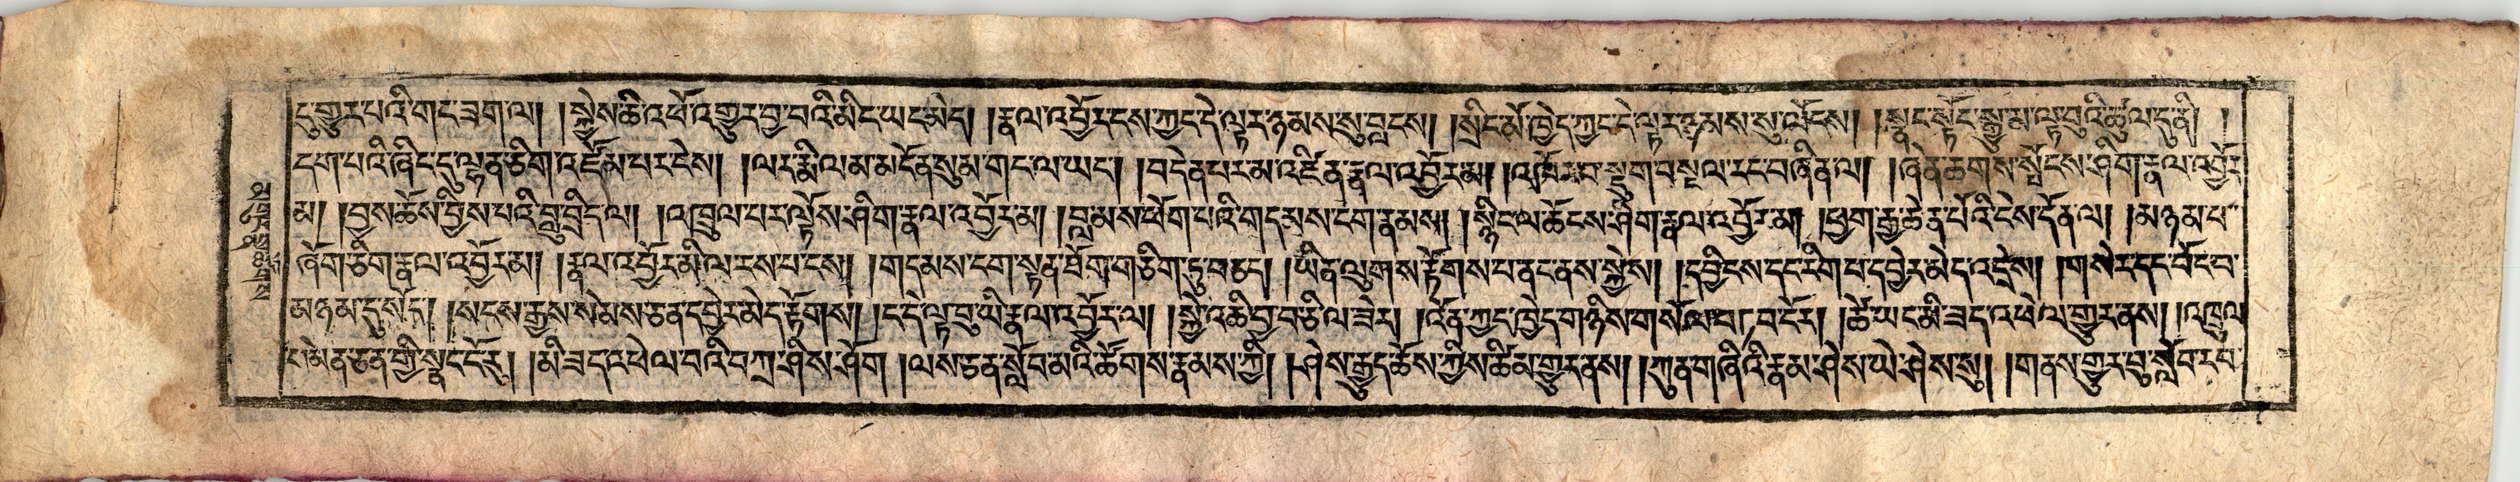དུ་གྱུར་པའི་གང་ཟག་ལ། །སྐྱེ་འཆི་འཕོ་འགྱུར་བྱ་བའི་མིང་ཡང་མེད། །རྣལ་འབྱོར་ངས་ཀྱང་དེ་ལྟར་ཉམས་སུ་བླངས། །སྲིང་མོ་ཁྱེད་ཀྱང་དེ་ལྟར་ཉམས་སུ་ལོངས། །སྣང་སྟེང་སྐྱུ་མ་ལྟ་བུའི་ཚུལ་དུ་ནི། །
དག་པའི་ཞིང་དུ་ལྷན་ཅིག་འཛོམ་པར་ངེས། །ལར་རྨི་ལམ་མངོན་སུམ་གང་ལ་ཡང་། །བདེན་པར་མ་འཛིན་རྣལ་འབྱོར་མ། །འཁོར་བ་སྡུག་བསྔལ་རང་བཞིན་ལ། །ཞན་ཆགས་སྤངས་ཤིག་རྣལ་འབྱོར་
མ། །བྱས་ཆོས་བྱིས་པའི་བསླུ་བྲིད་ལ། །འཁྲུལ་པར་ལྟོས་ཤིག་རྣལ་འབྱོར་མ། །བླ་མས་ཕོག་པའི་གདམས་ངག་རྣམས། །སྙིང་ལ་ཆོངས་ཤིག་རྣལ་འབྱོར་མ། །ཕྱག་རྒྱ་ཆེན་པའི་ངེས་དོན་ལ། །མཉམ་པར་
ཞོག་ཅིག་རྣལ་འབྱོར་མ། །རྣལ་འབྱོར་མི་ལ་རས་པ་ངས། །གདམས་ངག་སྟན་ཐོག་གཅིག་ཏུ་བཅད། །ཡིན་ལུགས་རྟོགས་པ་ནང་ནས་སྐྱེས། །དབྱིངས་དང་རིག་པ་དབྱེར་མེད་འདྲེས། །གསེར་དང་བོང་བ་
མཉམ་དུ་སོད། །སངས་རྒྱས་སེམས་ཅན་དབྱེར་མེད་རྟོགས། །ང་དེ་ལྟ་བུ་ཡི་རྣལ་འབྱོར་ལ། །སྐྱེ་འཆི་བྱ་བ་ཅི་ལ་ཟེར། །འོན་ཀྱང་ཁྱེད་གཉིས་གསོལ་བཏབ་ངོར། །ཚེ་ཡང་མི་ཟད་འཕེལ་གྱུར་ནས། །འཁྲུལ་
སེམས་མན་ཅན་གྱི་སྣང་ངོ་རུ། །མི་ཟད་འཕེལ་བའི་བཀྲ་ཤིས་ཤོག །ལས་ཅན་སློབ་མའི་ཚོགས་རྣམས་ཀྱི། །ཤེས་རྒྱུད་ཆོས་ཀྱིས་ཚིམ་གྱུརནས། །ཀུན་གཞིའི་རྣམ་ཤེས་ཡེ་ཤེས་སུ། །གནས་གྱུར་བུ་སློབ་རབ་